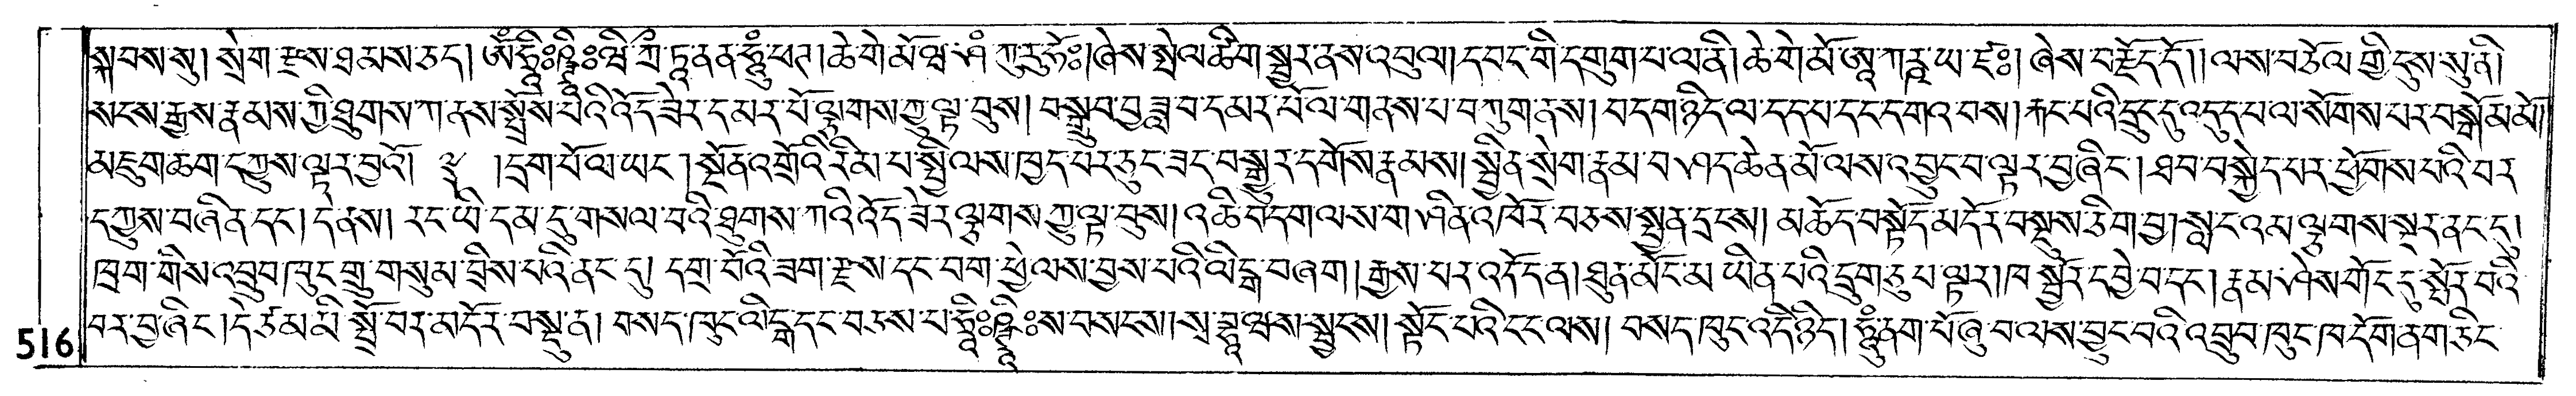སྐབས་སུ། སྲེག་རྫས་ཐམས་ཅད། ཨོཾ་ཧྲཱིཿ ཥྚྲཱིཿ ཝི་ཀྲྀ་ཏཱ་ནན་ཧཱུཾ་ཕཊ། ཆེ་གེ་མོ་ཝ་ཤཾ་ཀུ་རུ་ཧོཿ། ཞེས་སྤེལ་ཚིག་སྦྱར་ནས་འབུལ། དབང་གི་དགུག་པ་ལ་ནི། ཆེ་གེ་མོ་ཨཱ་ཀརྵ་ཡ་ཛཿ། ཞེས་བརྗོད་དོ། །ལས་བཅོལ་གྱི་དུས་སུ་ནི།
སངས་རྒྱས་རྣམས་ཀྱི་ཐུགས་ཀ་ནས་སྤྲོས་པའི་འོད་ཟེར་དམར་པོ་ལྕགས་ཀྱུ་ལྟ་བུས། བསྒྲུབ་བྱ་ཟླ་བ་དམར་པོ་ལ་གནས་པ་བཀུག་ནས། བདག་ཉིད་ལ་དད་པ་དང་དགའ་བས། རྐང་པའི་དྲུང་དུ་འདུད་པ་ལ་སོགས་པར་བསྒོམ་མོ།
མཇུག་ཆག་དཀྱུས་ལྟར་བྱའོ། ༈ །དྲག་པོ་ལ་ཡང་། སྔོན་འགྲོའི་རིམ་པ་སྤྱི་ལས་ཁྱད་པར་ཅུང་ཟད་བསྒྱུར་དགོས་རྣམས། སྦྱིན་སྲེག་རྣམ་བཤད་ཆེན་མོ་ལས་འབྱུང་བ་ལྟར་བྱ་ཞིང་། ཐབ་བསྐྱེད་པར་ཕྱོགས་པའི་བར་
དཀྱུས་བཞིན་དང་། དེ་ནས། རང་ཡི་དམ་དུ་གསལ་བའི་ཐུགས་ཀའི་འོད་ཟེར་ལྕགས་ཀྱུ་ལྟ་བུས། འཆི་བདག་ལས་གཤིན་འཁོར་བཅས་སྤྱན་དྲངས། མཆོད་བསྟོད་མདོར་བསྡུས་ཅིག་བྱ། སླ་ང་འམ་ལྕགས་སྔར་ནང་དུ།
ཁྲག་གིས་འབྲུབ་ཁུང་གྲུ་གསུམ་བྲིས་པའི་ནང་དུ། དགྲ་བོའི་ཟག་རྫས་དང་བག་ཕྱེ་ལས་བྱས་པའི་ལིངྒ་བཞག །རྒྱས་པར་འདོད་ན། ཐུན་མོང་མ་ཡིན་པའི་དྲུག་ཅུ་པ་ལྟར། ཁ་སྦྱོར་དབྱེ་བ་དང་། རྣམ་ཤེས་གོང་དུ་སྤོར་བའི་
བར་བྱ་ཞིང་། དེ་ཙམ་མི་སྤྲོ་བར་མདོར་བསྡུ་ན། བསད་ཁུང་ལིངྒ་དང་བཅས་པ་ཧྲཱིཿ ཥྚྲཱིཿ ས་བསངས། སྭ་བྷཱ་ཝས་སྦྱངས། སྟོང་པའི་ངང་ལས། བསད་ཁུང་འདི་ཉིད། ཧཱུཾ་ནག་པོ་ཞུ་བ་ལས་བྱུང་བའི་འབྲུབ་ཁུང་ཁ་དོག་ནག་ཅིང་